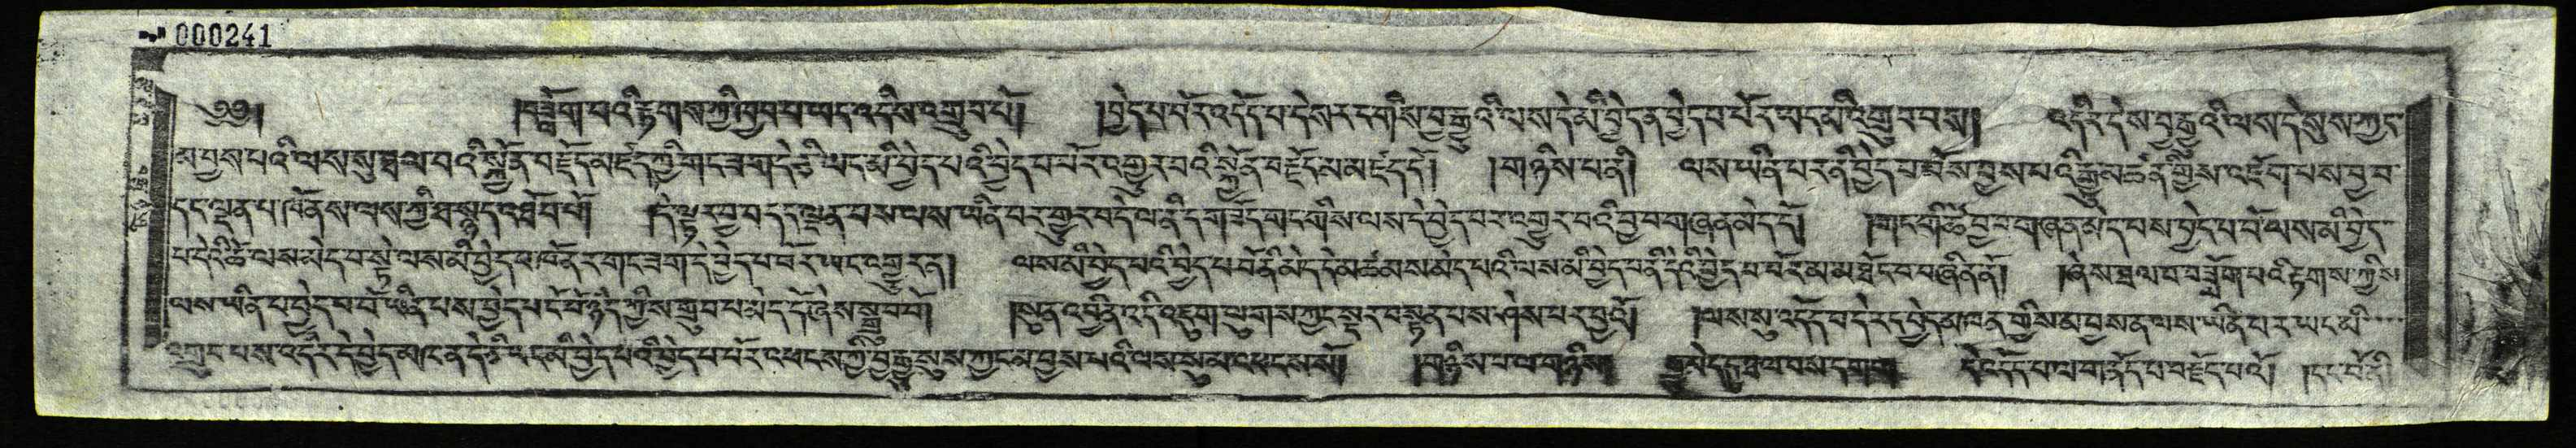༄༅། །བཟློག་པའི་རྟགས་ཀྱི་ཁྱབ་པ་ཡང་འདིས་འགྲུབ་པོ། །བྱེད་པ་པོར་འདོད་པ་དེས་རང་གིས་བྱ་རྒྱུའི་ལས་དེ་མི་བྱེད་ན་བྱེད་པ་པོར་ཡང་མི་འགྲུབ་པས། འདིར་དེས་བྱ་རྒྱུའི་ལས་དེ་སུས་ཀྱང་
མ་བྱས་པའི་ལས་སུ་ཐལ་བའི་སྐྱོན་བརྗོད་མཛད་ཀྱི་གང་ཟག་དེ་ཅི་ཡང་མི་བྱེད་པའི་བྱེད་པ་པོར་འགྱུར་བའི་སྐྱོན་བརྗོད་མ་མཛད་དོ། །གཉིས་པ་ནི། ལས་ཡིན་པར་ནི་བྱེད་པ་པོས་བྱས་པའི་རྒྱུ་མཚན་གྱིས་འཇོག་པས་བྱ་བ་
དང་ལྡན་པ་ཁོ་ནས་ལས་ཀྱི་ཐ་སྙད་འཐོབ་པོ། །དེ་ལྟར་བྱ་བ་དང་ལྡན་པས་ལས་ཡིན་པར་གྱུར་བ་དེ་ལ་ནི་དག་ཟོད་གང་གིས་ལས་དེ་བྱེད་པར་འགྱུར་བའི་བྱ་བ་གཞན་མེད་དོ། །གང་གི་ཚེ་བྱ་བ་གཞན་མེད་པས་བྱེད་པ་པོ་ལས་མི་བྱེད་
པ་དེའི་ཚེ་ལས་མེད་པ་སྟེ་ལས་མི་བྱེད་པ་ཁོ་ནར་གང་ཟག་དེ་བྱེད་པ་པོར་ཡང་འགྱུར་ན། ལས་མི་བྱེད་པའི་བྱེད་པ་པོ་ནི་མེད་དེ་མཚམས་མེད་པའི་ལས་མི་བྱེད་པ་ནི་དེའི་བྱེད་པ་པོར་མ་མཐོང་བ་བཞིན་ནོ། །ཞེས་ཐལ་བ་བཟློག་པའི་རྟགས་ཀྱིས་
ལས་ཡིན་པ་བྱེད་པ་པོ་ཡིན་པས་བྱེད་པ་ངོ་བོ་ཉིད་ཀྱིས་གྲུབ་པ་མེད་དོ་ཞེས་སྒྲུབ་པོ། །སུན་འབྱིན་འདི་འཇུག་ལུགས་ཀྱང་སྔར་བསྟན་པས་ཤེས་པར་བྱའོ། །ལས་སུ་འདོད་པ་དེ་རང་བྱེད་མཁན་གྱིས་མ་བྱས་ན་ལས་ཡིན་པར་ཡང་མི་
འགྲུབ་པས་འདིར་དེ་བྱེད་མཁན་དེ་ཅི་ཡང་མི་བྱེད་པའི་བྱེད་པ་པོར་འཕངས་ཀྱི་བྱ་རྒྱུ་སུས་ཀྱང་མ་བྱས་པའི་ལས་སུ་མ་འཕངས་སོ། །གཉིས་པ་ལ་གཉིས། རྒྱུ་མེད་དུ་ཐལ་བས་དགག། དེ་འདོད་པ་ལ་གནོད་པ་བརྗོད་པའོ། །དང་པོ་ནི།